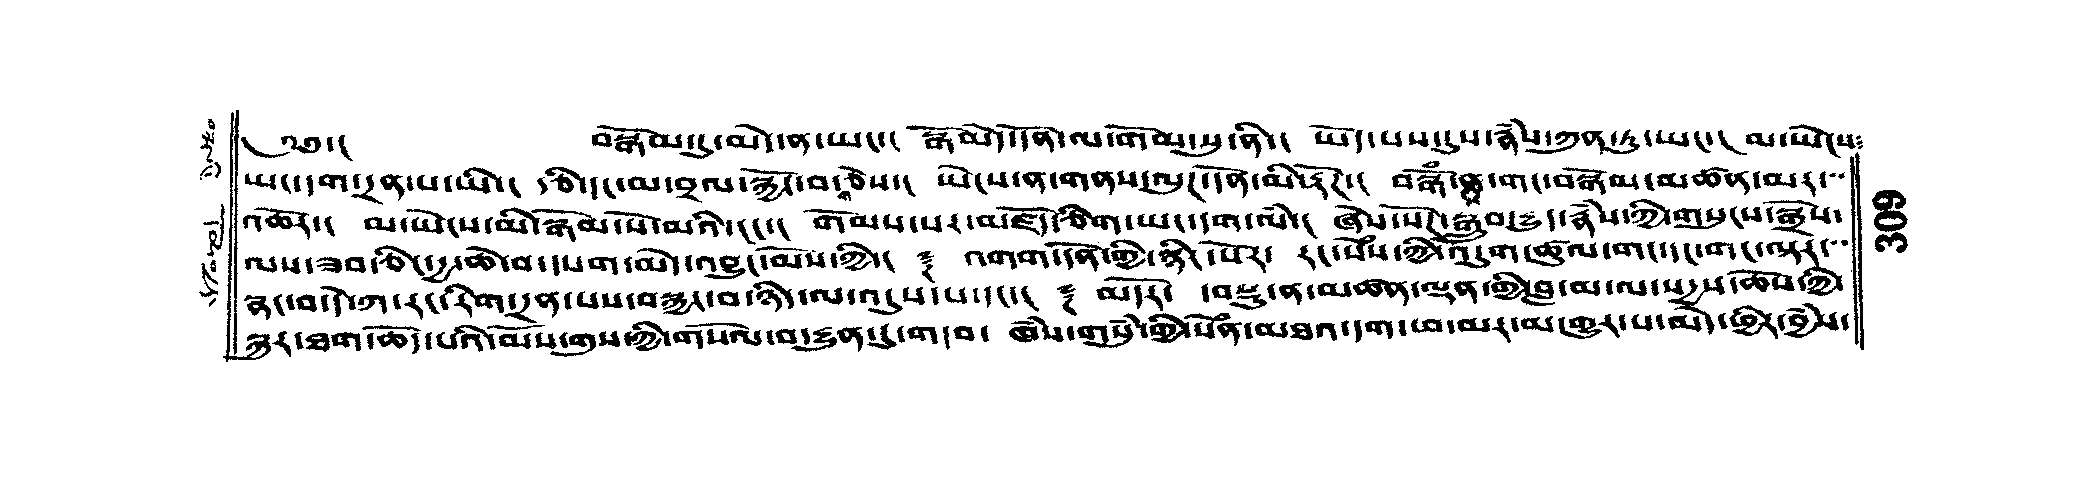བསྒོམ་དུ་མེད་ན་ཡང་། །སྒོམ་མེད་དོན་ལ་གོམ་སུ་ནི། །ཡོད་པས་དུས་རྣམས་ཀུན་ཏུ་ཡང་། །མ་ཡེངས་
ཡང་དག་དྲན་པ་ཡི། །རྩི་དང་མ་བྲལ་སྐྱོང་བ་གཅེས། །ཡེངས་ན་གནས་ལུགས་དོན་མི་རྟོགས། །བསྒོམ་ན་གང་བསྒོམ་མཚན་མར་
འཆོར། །མ་ཡེངས་མི་སྒོམ་སོ་མའི་ངང་། །གོམས་པར་མཛོད་ཅིག་ཡང་དག་ལམ། ཞེས་སོགས་སྒྲུབ་རྒྱུད་རྣམས་ཀྱི་གསུངས་སྒྲོས་
ལས་ཟབ་ཅིང་རྒྱ་ཆེ་བ་དཔག་མེད་འབྱུང་མོད་ཀྱི།འགག་དོན་གྱི་སྙིང་པོར། རང་སེམས་ཀྱི་འདུག་ཚུལ་གང་དང་གང་ལྟར་
སྣང་བ་དེ་ཀ་རང་རིག་དྲན་པས་བསྐྱང་བ་ཉིད་ལ་འདུས་པ་དང་། མདོར་བསྡུ་ན་མཚན་ལྡན་གྱི་བླ་མ་ལ་སངས་རྒྱས་ཆོས་ཀྱི་
སྐུར་ཐག་ཆོད་པའི་མོས་གུས་ཀྱི་གསོལ་བ་རྒྱུན་དུ་གདབ། ཁམས་གསུམ་གྱི་སེམས་ཅན་མཐའ་དག་ཕ་མར་མ་གྱུར་པ་མེད་ཕྱིར་བྱམས་